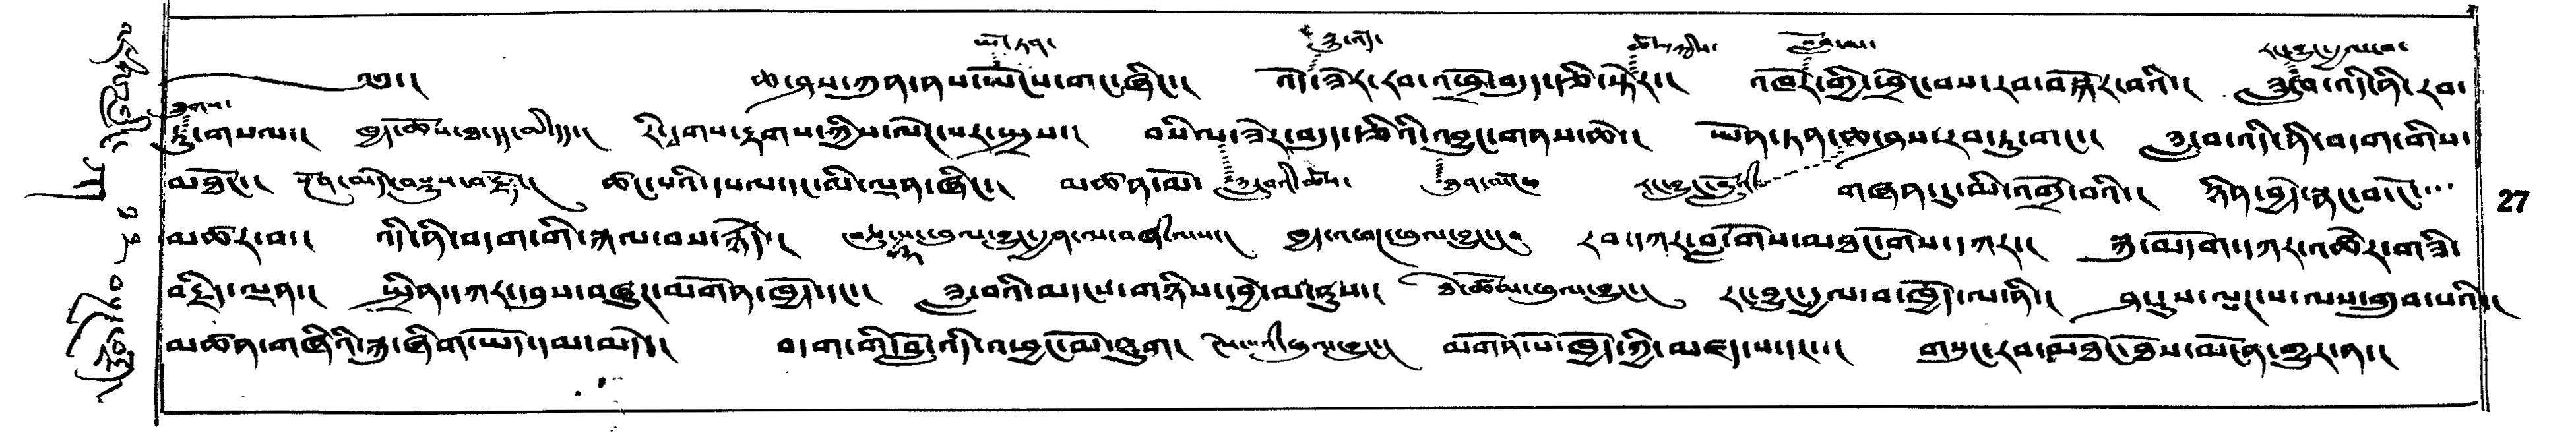ཆ་ཤས་ཀུན་ནས་ཡོན་ཏན། ཡོངས་གང་ཞིང་། སྐུ་འོད་།འོད་ཟེར་རབ་འཕྲོ་ཆོས་ཀྱིས། བདུད་རྩིའི་སྟེར། ། འཁོར་སློབ་མ། གྱི་ཕྲེང་བས་རབ་བསྐོར་བའི། །ཟླ་བ་རང་བྱུང་རྒྱལ་བ། འདི་ནི་ཐུགས། རབ་
ཏུ་གསལ། ། ཁྱད་ཆོས་ཐ་དད་མི་དད། རི་དྭགས་རྟགས་ཀྱིས་ལེགས་པར་སྤྲས། །བསིལ་ཟེར་ཟླ་བའི་ཆོས། བདུད་རྩིའི་ཐུན་མོངས། འབྱུང་གནས་ཆེ། །ཡོན་ཏན་རང་བྱུང་བློའི། ཆ་ཤས་རབ་ཏུ་གང་། །ཟླ་བ་འདི་ནི་བདག་གིས་
མཐོང་། ། སྔོན་མེད་བསྡུས་བརྗོད། ཚངས་པའི་དཔལ་དང་མི་ལྡན་ཞིང་། །མཚན་མོ་གཞན་དུ་མི་འགྲོ་བའི། །ཉིན་བྱེད་སྣང་བ་ངོ་
མཚར་བ། །འདི་ནི་བདག་གི་སྐལ་བས་རྙེད། ། བཅུ་གཅིག་པ་ཕུལ་བྱུང་རྒྱན་ལ་བཞི་ལས། ཁྱད་འཕགས་ཕུལ་བྱུང་། རབ་དཀར་བླ་གོས་མཐང་གོས་དཀར། །སྐུ་མདོག་དཀར་འཚེར་གཟི་
བརྗིད་ལྡན། །སྤྲིན་དཀར་དབུས་བཞུགས་མགོན་ཁྱོད་དང་། །ཟླ་བའི་མདངས་གཉིས་དབྱེ་མ་ནུས། ། ཐེ་ཚོམ་ཕུལ་བྱུང་། རང་བྱུང་རྒྱལ་བ་ཁྱོད་ལ་ནི། །ཤ་རུས་པགས་པ་ལས་གྲུབ་པའི། །
མཚན་གཞིའི་སྐུ་ཞིག་ཡོད་དམ་མེད། །བདག་གི་བློ་འདི་འཕྱང་མོ་ཉུག ། ངེས་པའི་ཕུལ་བྱུང་། མགོན་པོ་ཁྱོད་ཀྱི་མཛད་པ་དང་། །གསུང་རབ་མཐོང་ཐོས་མངོན་གྱུར་ན།